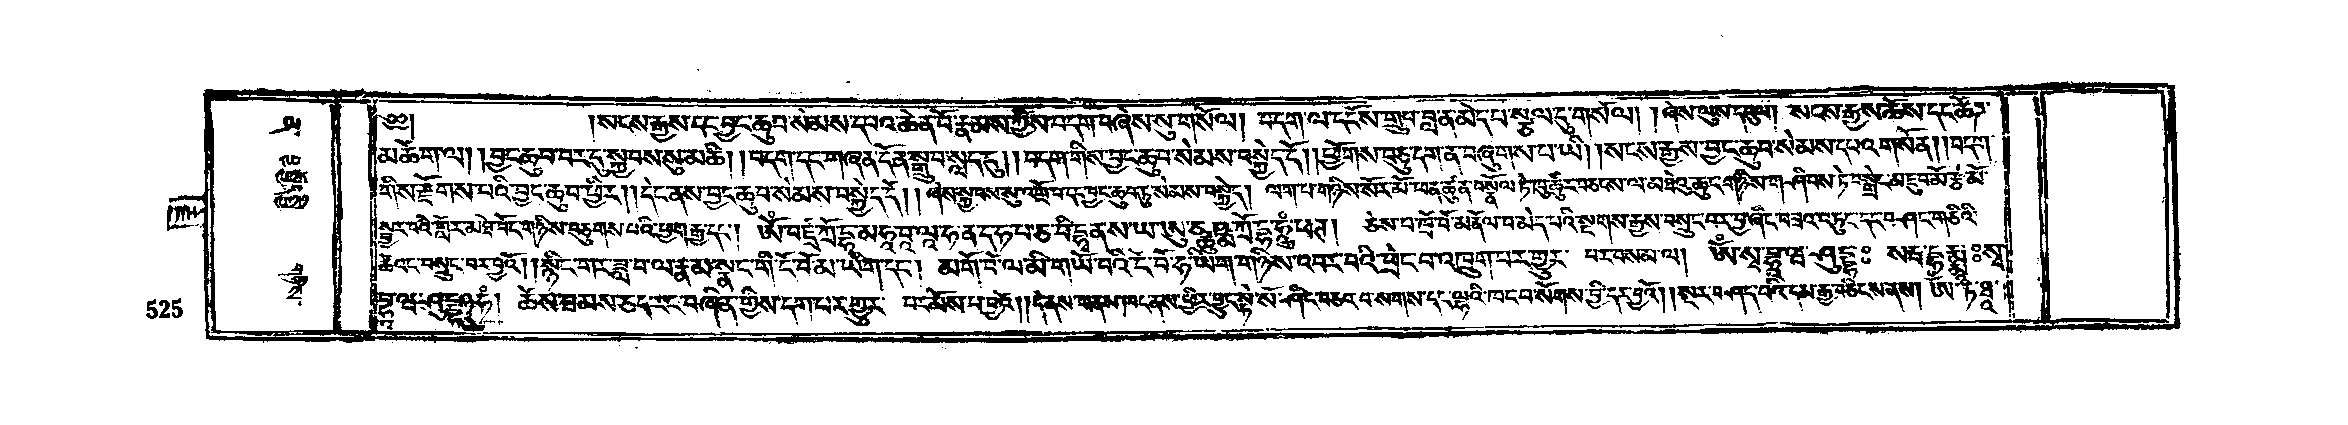༄༅། །སངས་རྒྱས་དང་བྱང་ཆུབ་སེམས་དཔའ་ཆེན་པོ་རྣམས་ཀྱིས་བདག་བཞེས་སུ་གསོལ། བདག་ལ་དངོས་གྲུབ་བླ་ན་མེད་པ་སྩལ་དུ་གསོལ། །ཞེས་ལུས་དབུལ།  སངས་རྒྱས་ཆོས་དང་ཚོགས་
མཆོག་ལ། །བྱང་ཆུབ་བར་དུ་སྐྱབས་སུ་མཆི། །བདག་དང་གཞན་དོན་སྒྲུབ་སླད་དུ། །བདག་གིས་བྱང་ཆུབ་སེམས་བསྐྱེད་དོ། །ཕྱོགས་བཅུ་དག་ན་བཞུགས་པ་ཡི། །སངས་རྒྱས་བྱང་ཆུབ་སེམས་དཔའ་གསོན། །བདག་
གིས་རྫོགས་པའི་བྱང་ཆུབ་ཕྱིར། །དེང་ནས་བྱང་ཆུབ་སེམས་བསྐྱེད་དོ། །ཞེས་སྐྱབས་སུ་འགྲོ་བ་དང་བྱང་ཆུབ་ཏུ་སེམས་བསྐྱེད། ལག་པ་གཉིས་སོར་མོ་ཕན་ཚུན་བསྣོལ་ཏེ་ཁུ་ཚུར་བཅངས་ལ་མཐེའུ་ཆུང་གཉིས་གཤིབས་ཏེ་བསྒྲེང་མཛུབ་མོ་རྩེ་མོ་
སྦྱར་བའི་གློར་མཐེ་བོང་གཉིས་བཅུགས་པའི་ཕྱག་རྒྱ་དང་། ཨོཾ་བཛྲ་ཀྲོ་དྷ་མ་ཧཱ་བཱ་ལཱ་ཧ་ན་ད་ཧ་པ་ཅ་བི་དྷ་ན་ས་ཡ་ཨུ་ཙྪུཥྨ་ཀྲོ་དྷ་ཧཱུཾ་ཕཊ། ཅེས་པ་ཁྲོ་བོ་མནོལ་བ་མེད་པའི་སྔགས་རྒྱས་བསྲུང་བར་བྱ་ཞིང་བཟའ་བཏུང་དང་བཤད་གཅིའི་
ཚེའང་བསྲུང་བར་བྱའོ། །སྙིང་གར་ཟླ་བ་ལ་རྣམ་སྣང་གི་ངོ་བོ་མ་ཡིག་དང་། མགོ་བོ་ལ་མི་གཡོ་བའི་ངོ་བོ་ཧ་ཡིག་གཉིས་འབར་བའི་ཕྲེང་བ་འཁྲུག་པར་གྱུར་བར་བསམ་ལ། ཨོཾ་སྭ་བྷཱ་ཝ་ཤུདྡྷཿ སརྦ་དྷརྨྨཱཿ སྭ་
བྷཱ་ཝ་ཤུདྡྷཉ་ཧཾ། ཆོས་ཐམས་ཅད་རང་བཞིན་གྱིས་དག་པར་གྱུར་པར་མོས་པ་བྱའོ། །དེ་ནས་གནས་ཁང་ནས་ཕྱིར་བྱུང་སྟེ་སོ་ཤིང་བཅའ་བ་སོགས་དང་ལྷའི་ཁང་པ་སོགས་བྱི་དར་བྱའོ། །སྔར་བཤད་པའི་དམ་རྒྱ་བཅིངས་ནས།  ཨོཾ་ཏ་ཐཱ་